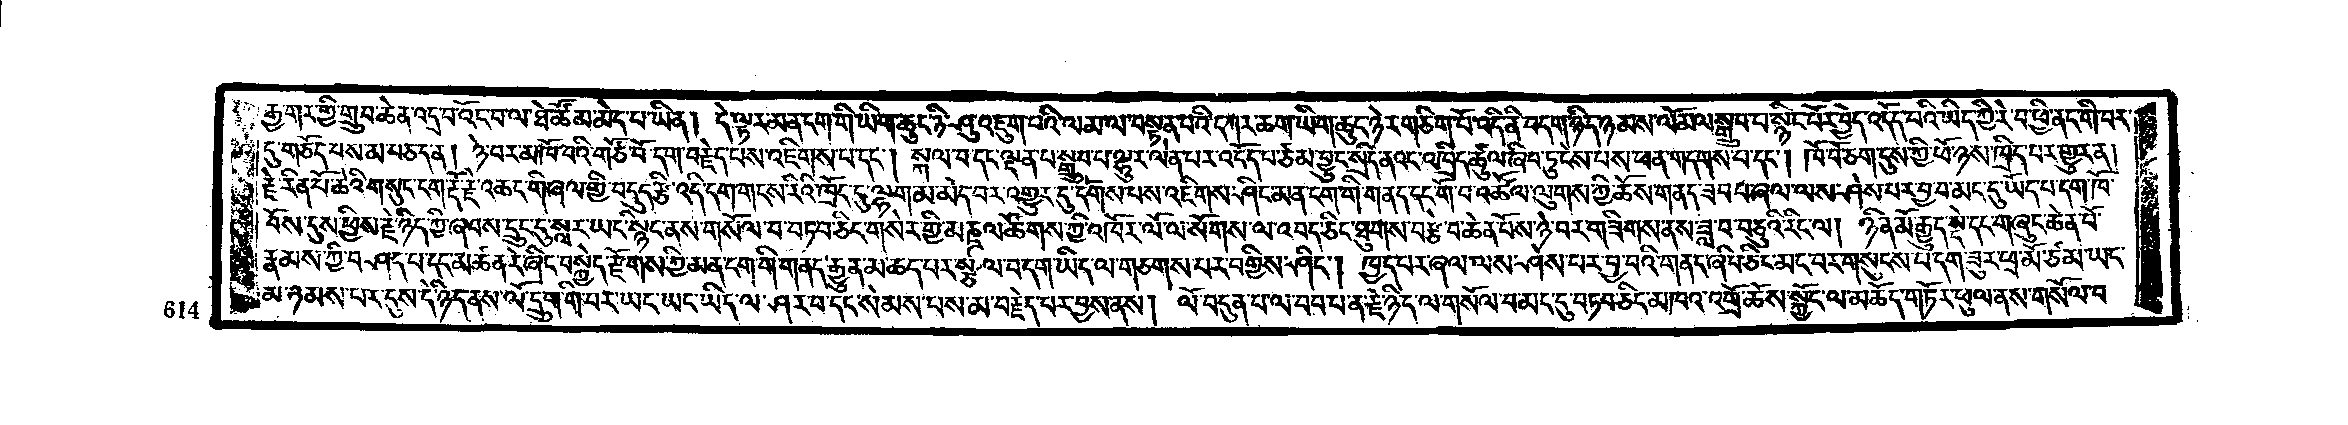རྒྱ་གར་གྱི་གྲུབ་ཆེན་འདྲ་བ་འོང་བ་ལ་ཐེ་ཚོམ་མེད་པ་ཡིན། དེ་ལྟར་མན་ངག་གི་ཡིག་ཆུང་ཉི་ཤུ་འཇུག་པའི་ལམ་ལ་བསྟན་པའི་དཀར་ཆག་ཡིག་ཆུང་ཉེར་གཅིག་པོ་འདི་ནི་བདག་ཉིད་ཉམས་ལེན་ལ་སྒྲུབ་པ་སྙིང་པོར་བྱེད་འདོད་པའི་ཡིད་ཀྱི་རེ་བ་ཕྱི་ནང་གི་བར་
དུ་གཅོད་པས་མ་བཅད་ན། ཉེ་བར་མཁོ་བའི་གཙོ་བོ་དག་བརྗེད་པས་འཇིགས་པ་དང་། སྐལ་བ་དང་ལྡན་པ་སྒྲུབ་པ་ལྷུར་ལེན་པར་འདོད་པ་ཙམ་བྱུང་སྲིད་ནའང་འཁྲིད་ཚུལ་ཞིབ་ཏུ་ངེས་པས་ཕན་གདེགས་པ་དང་། ཁོ་བོ་ཅག་དུས་ཀྱི་ཕོ་ཉས་ཁྲིད་པར་གྱུར་ན།
རྗེ་རིན་པོ་ཆེའི་གསུང་ངག་རྡོ་རྗེ་འཆང་གི་ཞལ་གྱི་བདུད་རྩི་འདི་དག་གངས་རིའི་ཁྲོད་དུ་ལྷག་མ་མེད་བར་འགྱུར་དུ་དོགས་པས་འཇིགས་ཤིང་མན་ངག་གི་གནད་དང་གོ་བ་འཚོལ་ལུགས་ཀྱི་ཆེས་གནད་ཟབ་པ་ཞལ་ལས་ཤེས་པར་བྱ་བ་མང་དུ་ཡོད་པ་དག་ཁོ་
བོས་དུས་ཕྱིས་རྗེ་ཉིད་ཀྱི་ཞབས་དྲུང་དུ་སླར་ཡང་སྙིང་ནས་གསོལ་བ་བཏབ་ཅིང་གསེར་གྱི་མཎྜལ་ཚོགས་ཀྱི་འཁོར་ལོ་ལ་སོགས་ལ་འབད་ཅིང་ཐུགས་བརྩེ་བ་ཆེན་པོས་ཉེ་བར་གཟིགས་ནས་ཟླ་བ་བཅུའི་རིང་ལ། ཉིན་མོ་རྒྱུད་སྡེ་དང་གཞུང་ཆེན་པོ་
རྣམས་ཀྱི་བཤད་པ་དང་མཚན་རེ་ཞིང་བསྐྱེད་རྫོགས་ཀྱི་མན་ངག་གི་གནད་རྒྱུན་མ་ཆད་པར་སྩལ་པ་དག་ཡིད་ལ་གཅགས་པར་བགྱིས་ཤིང་། ཁྱད་པར་ཞལ་ལས་ཤེས་པར་བྱ་བའི་གནད་ཞིབ་ཅིང་མང་བར་གསུངས་པ་དག་ཟུར་ཕྲ་མོ་ཙམ་ཡང་
མ་ཉམས་པར་དུས་དེ་ཉིད་ནས་ལོ་དྲུག་གི་བར་ཡང་ཡང་ཡིད་ལ་ཤར་བ་དང་སེམས་པས་མ་བརྗེད་པར་བྱས་ནས། ལོ་བདུན་པ་ལ་བབ་པ་ན་རྗེ་ཉིད་ལ་གསོལ་བ་མང་དུ་བཏབ་ཅིང་མཁའ་འགྲོ་ཆོས་སྐྱོང་ལ་མཆོད་གཏོར་ཕུལ་ནས་གསོལ་བ་